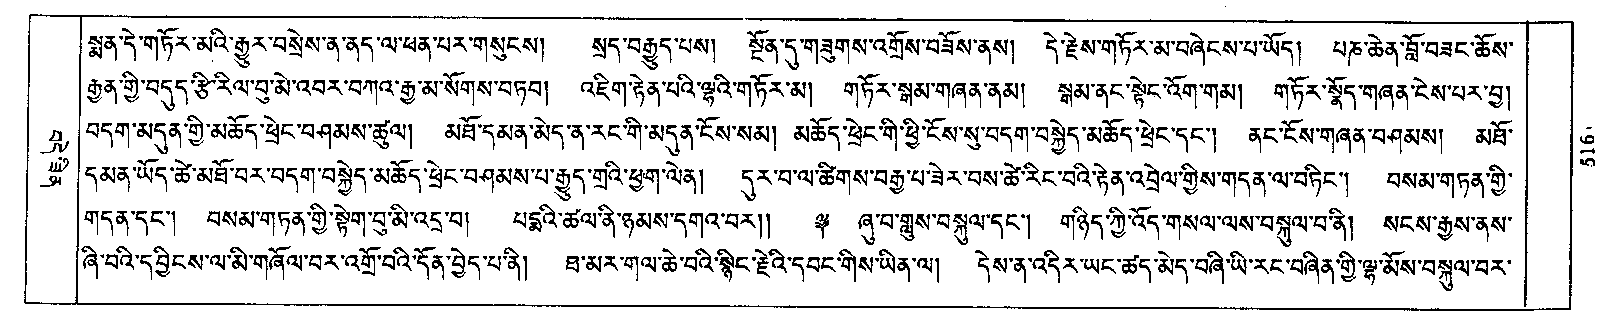སྨན་དེ་གཏོར་མའི་རྒྱུར་བསྲེས་ན་ནད་ལ་ཕན་པར་གསུངས། སྲད་བརྒྱུད་པས། སྔོན་དུ་གཟུགས་འགྲོས་བཟོས་ནས། དེ་རྗེས་གཏོར་མ་བཞེངས་པ་ཡོད། པཎ་ཆེན་བློ་བཟང་ཆོས་
རྒྱན་གྱི་བདུད་རྩི་རིལ་བུ་མེ་འབར་བཀའ་རྒྱ་མ་སོགས་བཏབ། འཇིག་རྟེན་པའི་ལྷའི་གཏོར་མ། གཏོར་སྒམ་གཞན་ནམ། སྒམ་ནང་སྟེང་འོག་གམ། གཏོར་སྣོད་གཞན་ངེས་པར་བྱ།
བདག་མདུན་གྱི་མཆོད་ཕྲེང་བཤམས་ཚུལ། མཐོ་དམན་མེད་ན་རང་གི་མདུན་ངོས་སམ། མཆོད་ཕྲེང་གི་ཕྱི་ངོས་སུ་བདག་བསྐྱེད་མཆོད་ཕྲེང་དང་། ནང་ངོས་གཞན་བཤམས། མཐོ་
དམན་ཡོད་ཚེ་མཐོ་བར་བདག་བསྐྱེད་མཆོད་ཕྲེང་བཤམས་པ་རྒྱུད་གྲའི་ཕྱག་ལེན། དུར་བ་ལ་ཚིགས་བརྒྱ་པ་ཟེར་བས་ཚེ་རིང་བའི་རྟེན་འབྲེལ་གྱིས་གདན་ལ་བཏིང་། བསམ་གཏན་གྱི་
གདན་དང་། བསམ་གཏན་གྱི་སྟེག་བུ་མི་འདྲ་བ། པདམའི་ཚལ་ནི་ཉམས་དགའ་བར།། ༈ ཞུ་བ་གླུས་བསྐུལ་དང་། གཉིད་ཀྱི་འོད་གསལ་ལས་བསྐུལ་བ་ནི། སངས་རྒྱས་ནས་
ཞི་བའི་དབྱིངས་ལ་མི་གཞོལ་བར་འགྲོ་བའི་དོན་བྱེད་པ་ནི། ཐ་མར་གལ་ཆེ་བའི་སྙིང་རྗེའི་དབང་གིས་ཡིན་ལ། དེས་ན་འདིར་ཡང་ཚད་མེད་བཞི་ཡི་རང་བཞིན་གྱི་ལྷ་མོས་བསྐུལ་བར་